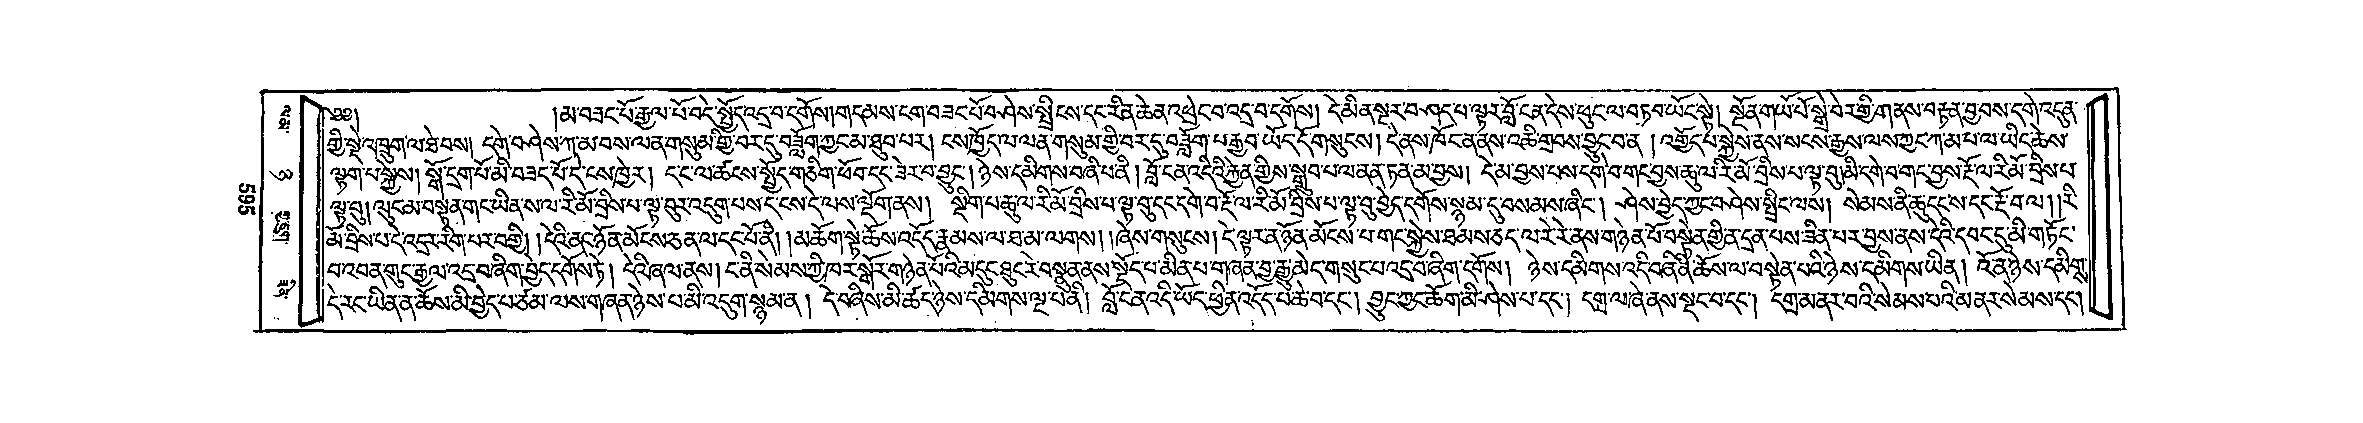༄༅། །མ་བཟང་པོ་རྒྱལ་པོ་བདེ་སྤྱོད་འདྲ་བ་དགོས། གདམས་ངག་བཟང་པོ་བཤེས་སྤྲིངས་དང་རིན་ཆེན་འཕྲེང་བ་འདྲ་བ་དགོས། དེ་མིན་སྔར་བཤད་པ་ལྟར་བློ་ངན་དེས་ཕུང་ལ་བཏབ་ཡོང་སྟེ། སྔོན་གཡོ་པོ་སྒྲེ་བེར་གྱི་གནས་བརྟན་བྱ་བས་དགེ་འདུན་
གྱི་སྡེ་འཁྲུག་ལ་ཐེབས། དགེ་བཤེས་ཀ་མ་བས་ལན་གསུམ་གྱི་བར་དུ་བཟློག་ཀྱང་མ་ཐུབ་པར། ངས་ཁྱོད་ལ་ལན་གསུམ་གྱི་བར་དུ་བཟློག་པ་རྒྱབ་ཡོད་དོ་གསུངས། དེ་ནས་ཁོང་ན་ནས་འཆི་གྲབས་བྱུང་བ་ན། འགྱོད་པ་སྐྱེས་ནས་སངས་རྒྱས་ལས་ཀྱང་ཀ་མ་པ་ལ་ཡིད་ཆེས་
ལྟག་པ་སྐྱེས། སྒོ་དྲག་པོ་མི་བཟད་པོ་དེ་ངས་ཁྱེར། ད་ང་ལ་ཚངས་སྤྱོད་གཅིག་ཕོབ་དང་ཟེར་བ་བྱུང་། ཉེས་དམིགས་བཞི་པ་ནི། བློ་ངན་འདིའི་རྐྱེན་གྱིས་སྒྲུབ་པ་ལ་ནན་ཏན་མ་བྱས། དེ་མ་བྱས་པས་དགེ་བ་གང་བྱས་ཆུ་ལ་རི་མོ་བྲིས་པ་ལྟ་བུ། མི་དགེ་བ་གང་བྱས་རྡོ་ལ་རི་མོ་བྲིས་པ་
ལྟ་བུ། ལུང་མ་བསྟན་གང་ཡིན་ས་ལ་རི་མོ་བྲིས་པ་ལྟ་བུར་འདུག་པས་ད་ངས་དེ་ལས་ལྡོག་ནས། སྡིག་པ་ཆུ་ལ་རི་མོ་བྲིས་པ་ལྟ་བུ་དང་དགེ་བ་རྡོ་ལ་རི་མོ་བྲིས་པ་ལྟ་བུ་བྱེད་དགོས་སྙམ་དུ་བསམས་ཞིང་། ཤེས་བྱེད་ཀྱང་བཤེས་སྤྲིང་ལས། སེམས་ནི་ཆུ་དང་ས་དང་རྡོ་བ་ལ། །རི་
མོ་བྲིས་པ་དེ་འདྲར་རིག་པར་བགྱི། །དེའི་ནང་ཉོན་མོངས་ཅན་ལ་དང་པོ་ནི། །མཆོག་སྟེ་ཆོས་འདོད་རྣམས་ལ་ཐ་མ་ལགས། །ཞེས་གསུངས། དེ་ལྟར་ན་ཉོན་མོངས་པ་གང་སྐྱེས་ཐམས་ཅད་ལ་རེ་རེ་ནས་གཉེན་པོ་བསྟེན་གྱི་ན་དྲན་པས་ཟིན་པར་བྱས་ནས་དེའི་དབང་དུ་མི་གཏོང་
བ་འབན་གུང་རྒྱལ་འདྲ་བ་ཞིག་བྱེད་དགོས་ཏེ། དེའི་ཞལ་ནས། ང་ནི་སེམས་ཀྱི་ཁར་སྒོར་གཉེན་པོའི་མདུང་ཐུང་རེ་བསྣུན་ནས་སྡོད་པ་མིན་པ་གཞན་བྱ་རྒྱུ་མེད་གསུང་པ་འདྲ་བ་ཞིག་དགོས། ཉེས་དམིགས་འདི་བཞི་ནི་ཆོས་ལ་བསྟེན་པའི་ཉེས་དམིགས་ཡིན། འོ་ན་ཉེས་དམིགས་
དེ་རང་ཡིན་ན་ཆོས་མི་བྱེད་པ་ཙམ་ལས་གཞན་ཉེས་པ་མི་འདུག་སྙམ་ན། དེ་བཞིས་མི་ཚད་ཉེས་དམིགས་ལྔ་པ་ནི། བློ་ངན་འདི་ཡོད་ཕྱིན་འདོད་པ་ཆེ་བ་དང་། བྱུང་ཀྱང་ཆོག་མི་ཤེས་པ་དང་། དགྲ་ལ་ཞེ་ནས་སྡང་བ་དང་། དགྲ་མནར་བའི་སེམས་པའི་མནར་སེམས་དང་།